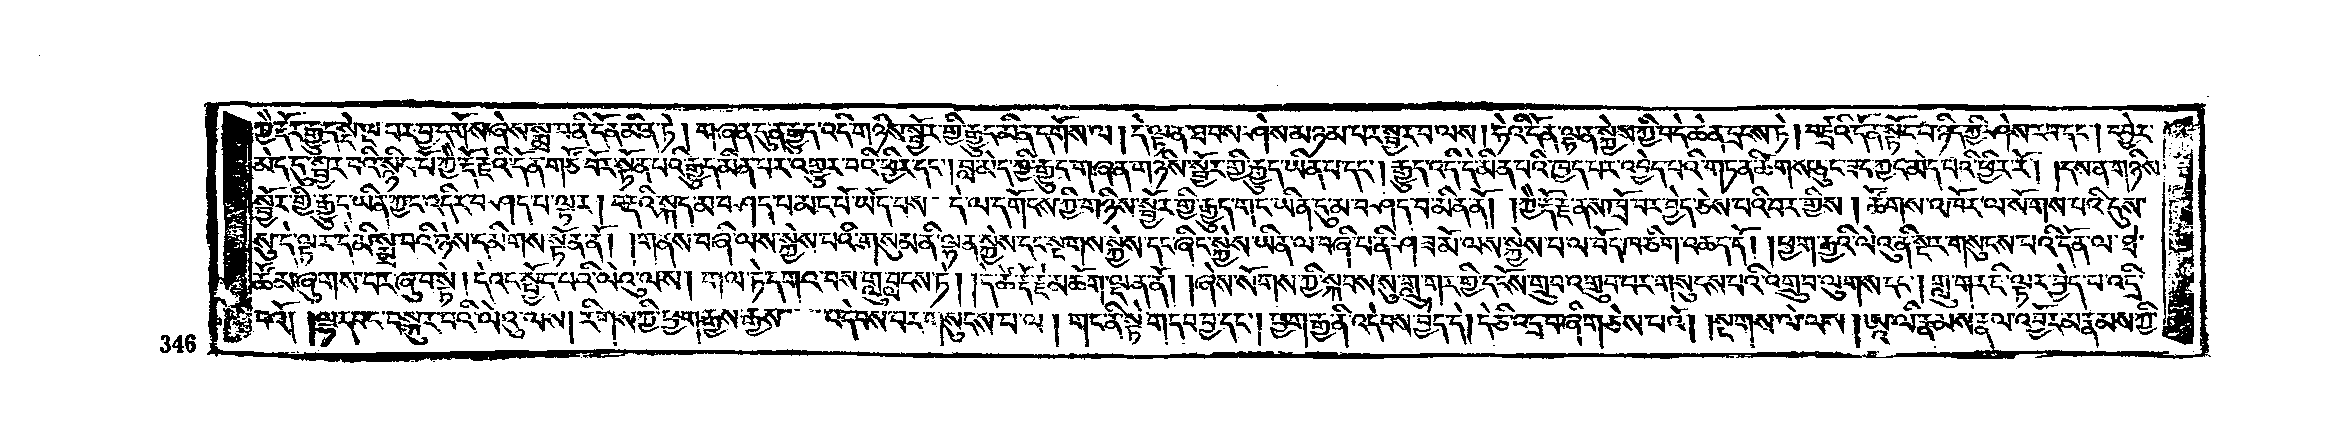ཀྱཻ་རྡོར་རྒྱུད་སྡེ་ལྔ་པར་བྱ་དགོས་ཞེས་སྨྲ་བ་ནི་དོན་མིན་ཏེ། གཞན་དུ་ན་རྒྱུད་འདི་གཉིས་སྦྱོར་གྱི་རྒྱུད་མིན་དགོས་ལ། དེ་ལྟ་ན་ཐབས་ཤེས་མཉམ་པར་སྦྱར་བ་ལས། ཧེའི་དོན་ལྷན་སྐྱེས་ཀྱི་བདེ་ཆེན་དྲངས་ཏེ། བཛྲའི་དོན་སྟོང་པ་ཉིད་ཀྱི་ཤེས་རབ་དང་། དབྱེར་
མེད་དུ་སྦྱར་བའི་སྙིང་པོ་ཀྱཻ་རྡོ་རྗེའི་དོན་གཙོ་བོར་སྟོན་པའི་རྒྱུད་མིན་པར་འགྱུར་བའི་ཕྱིར་དང་། བླ་མེད་ཀྱི་རྒྱུད་གཞན་གཉིས་སྦྱོར་གྱི་རྒྱུད་ཡིན་པ་དང་། རྒྱུད་འདི་དེ་མིན་པའི་ཁྱད་པར་འབྱེད་པའི་གཏན་ཚིགས་ཅུང་ཟད་ཀྱང་མེད་པའི་ཕྱིར་རོ། །དེས་ན་གཉིས་
སྦྱོར་གྱི་རྒྱུད་ཡིན་ཀྱང་འདིར་བཤད་པ་ལྟར། བརྡའི་སྐད་མ་བཤད་པ་མང་པོ་ཡོད་པས་དེ་ལ་དགོངས་ཀྱི་གཉིས་སྦྱོར་གྱི་རྒྱུད་གང་ཡིན་དུ་མ་བཤད་པ་མིན་ནོ། །ཀྱཻ་རྡོ་རྗེ་ནས་ཁྲོ་བར་བྱེད་ཅེས་པའི་བར་གྱིས། ཚོགས་འཁོར་ལ་སོགས་པའི་དུས་
སུ་དེ་ལྟར་དེ་མི་སྨྲ་བའི་ཉེས་དམིགས་སྟོན་ནོ། །གནས་བཞི་ལས་སྐྱེས་པའི་གསུམ་ནི་ལྷན་སྐྱེས་དང་སྔགས་སྐྱེས་དང་ཞིང་སྐྱེས་ཡིན་ལ་བཞི་པ་ནི་ཤ་ཟ་མོ་ལས་སྐྱེས་པ་ལ་བོད་ཁ་ཅིག་འཆད་དོ། །ཕྱག་རྒྱའི་ལེའུ་ནི་སྔར་གསུངས་པའི་དོན་ལ་ཐེ་
ཚོམ་ཞུགས་པར་ཞུ་བ་སྟེ། དེའང་སྤྱོད་པའི་ལེའུ་ལས། གལ་ཏེ་དགའ་བས་གླུ་བླངས་ཏེ། དེ་ཚེ་རྡོ་རྗེ་མཆོག་ལྡན་ནོ། །ཞེས་སོགས་ཀྱི་སྐབས་སུ་གླུ་གར་གྱི་དངོས་གྲུབ་འགྲུབ་པར་གསུངས་པའི་འགྲུབ་ལུགས་དང་། གླུ་གར་ཇི་ལྟར་བྱེད་པ་འདྲི་
བའོ། །ལྷ་དབང་བསྐུར་བའི་ལེའུ་ལས། རིགས་ཀྱི་ཕྱག་རྒྱས་རྒྱས་འདེབས་པར་གསུངས་པ་ལ། གང་ནི་སྟེ་གདབ་བྱ་དང་། ཕྱག་རྒྱ་ནི་འདེབས་བྱེད་དེ། དེ་ཅི་འདྲ་བ་ཞིག་ཅེས་པའོ། །སྔགས་ལེ་ལས། ཨཱ་ལི་རྣམས་རྣལ་འབྱོར་མ་རྣམས་ཀྱི་